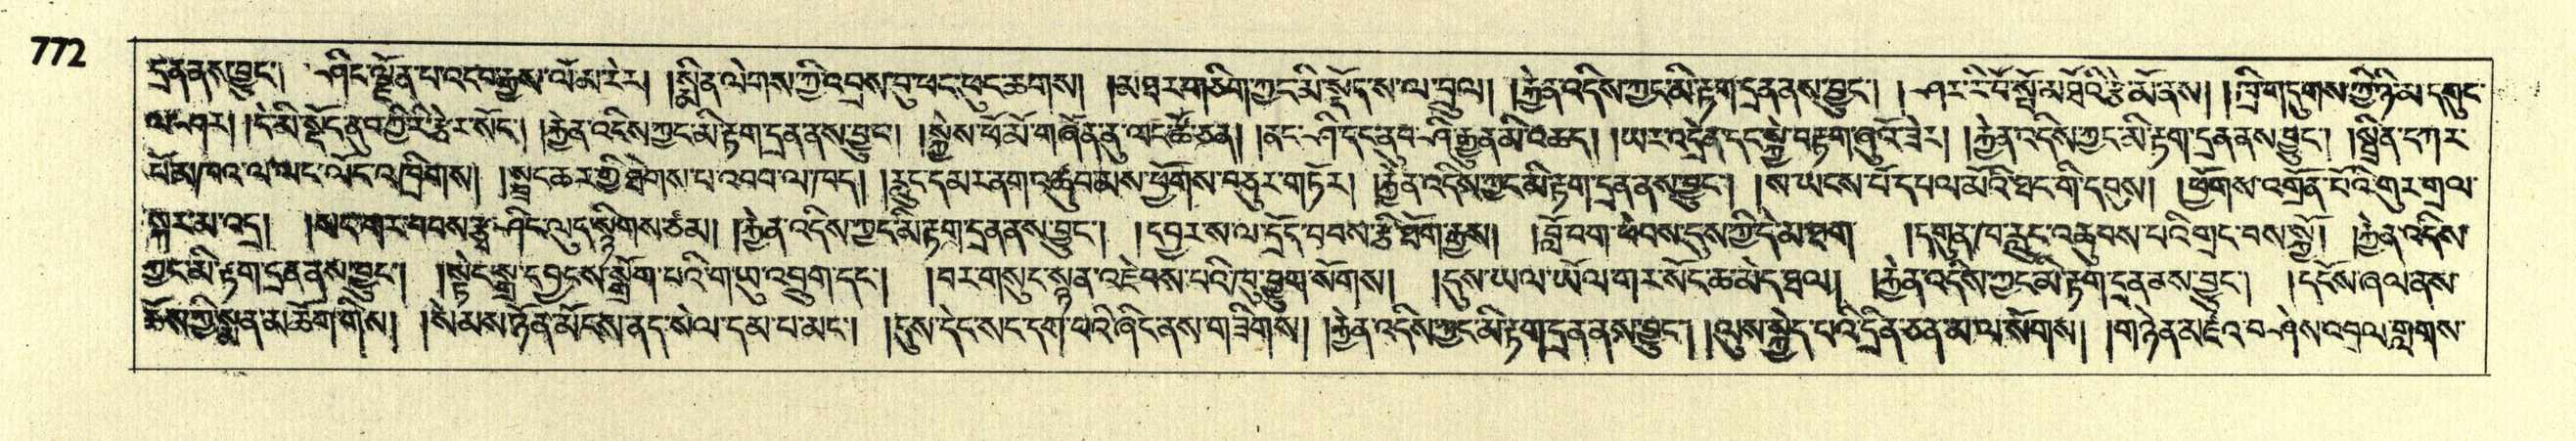དྲན་ནས་བྱུང་། །ཤིང་ལྗོན་པ་འང་བ་རྒྱས་ལོ་མ་རེར། །སྨིན་ལེགས་ཀྱི་འབྲས་བུ་ཕང་ཕུང་ཆགས། །མཐར་གཅིག་ཀྱང་མི་སྡོད་ས་ལ་བྲུལ། །རྐྱེན་འདིས་ཀྱང་མི་རྟག་དྲན་ནས་བྱུང་། །ཤར་རི་བོ་སྤོ་མཐོའི་རྩེ་མོ་ནས། །ཁྲི་གདུགས་ཀྱི་ཉི་མ་དགུང་
ལ་ཤར། །དེ་མི་སྡོང་ནུབ་ཀྱི་རི་རྩེར་སོང་། །རྐྱེན་འདིས་ཀྱང་མི་རྟག་དྲན་ནས་བྱུང་། །སྐྱེས་ཕོ་མོ་གཞོན་ནུ་ལང་ཚོ་ཅན། །ནང་ཤི་དང་ནུབ་ཤི་རྒྱུན་མི་འཆད། །ཡར་འདྲེན་དང་སྐྱེ་བརྟག་ཞུའོ་ཟེར། །རྐྱེན་འདིས་ཀྱང་མི་རྟག་དྲན་ནས་བྱུང་། །སྦྲིན་དཀར་
པོ་མཁའ་ལ་ལང་ལོང་འཁྲིགས། །སྦྲང་ཆར་གྱི་ཐེགས་པ་འབབ་ལ་ཁད། །རླུང་དམར་ནག་འཚུབ་མས་ཕྱོགས་བཅུར་གཏོར། །རྐྱེན་འདིས་ཀྱང་མི་རྟག་དྲན་ནས་བྱུང་། །ས་ཡངས་པོ་དཔལ་མོའི་ཐང་གི་དབུས། །ཕྱོགས་འགྲོན་བོའི་གུར་གྲལ་
སྐར་མ་འདྲ། །སད་གར་བབས་རྩྭ་ཤིང་ལུད་སྙིགས་ཙམ། །རྐྱེན་འདིས་ཀྱང་མི་རྟག་དྲན་ནས་བྱུང་། །དབྱར་ས་ལ་དྲོད་བབས་རྩི་ཐོག་རྒྱས། །བློ་བག་ཕེབས་དུས་ཀྱི་དེ་མ་ཐག །དགུན་ཁ་རླུང་འཆུབས་པའི་གྲང་བས་སྐྱོ། །རྐྱེན་འདིས་
ཀྱང་མི་རྟག་དྲན་ནས་བྱུང་། །སྟེང་སྒྲ་དབྱངས་སྒྲོག་པའི་ག་ཡུ་འབྲུག་དང་། །བར་གསུང་སྙན་འཇེབས་པའི་ཁུ་བྱུག་སོགས། །དུས་ཡལ་ཡོལ་གར་སོང་ཆ་མེད་ཐལ། །རྐྱེན་འདིས་ཀྱང་མི་རྟག་དྲན་ནས་བྱུང་། །དངོས་ཞལ་ནས་
ཆོས་ཀྱི་སྨན་མཆོག་གིས། །སེམས་ཉོན་མོངས་ནད་སེལ་དམ་པ་མང་། །དུས་དེང་སང་དག་པའི་ཞིང་ནས་གཟིགས། །རྐྱེན་འདིས་ཀྱང་མི་རྟག་དྲན་ནས་བྱུང་། །ལུས་སྐྱེད་པའི་དྲིན་ཅན་མ་ལ་སོགས། །གཉེན་མཛའ་བཤེས་འབྲལ་གླགས་